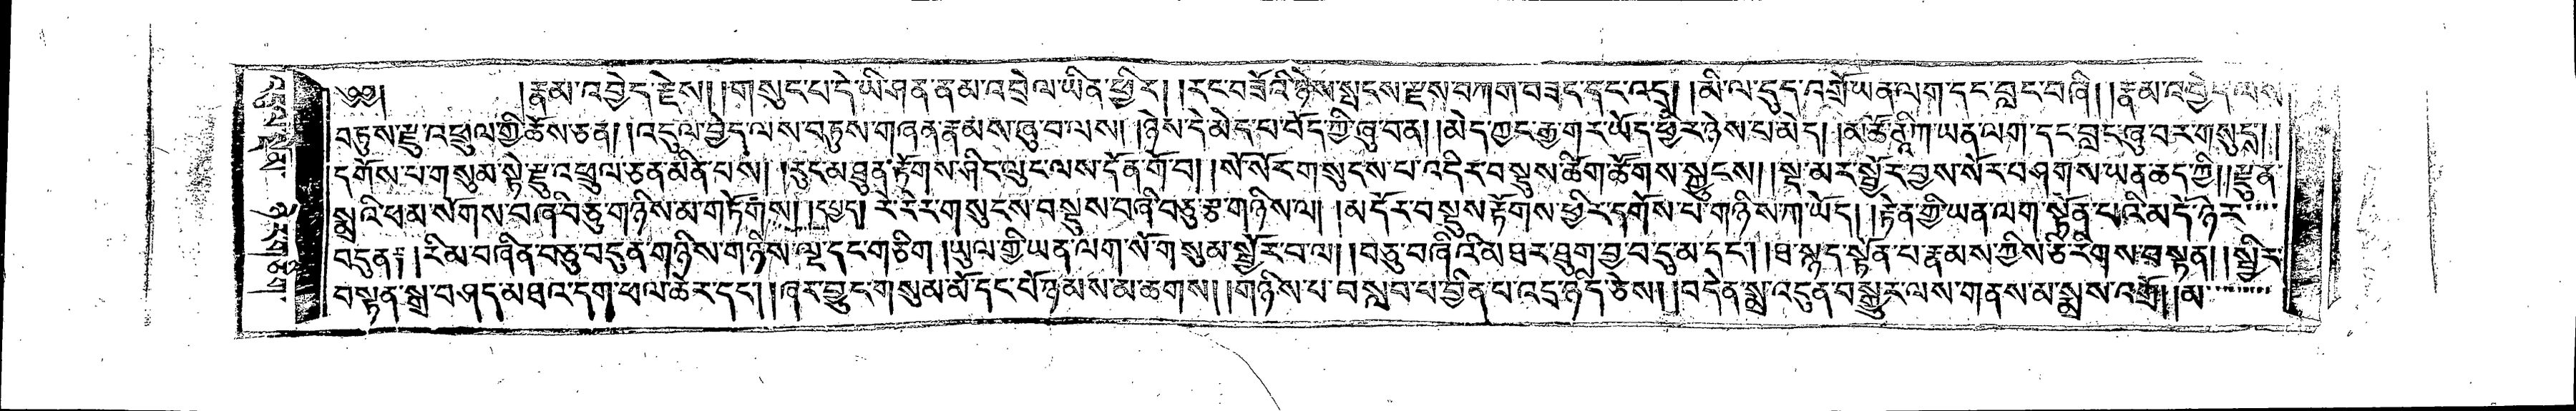༄༅། །རྣམ་འབྱེད་རྗེས། །གསུང་པ་དེ་ཡི་ཤན་ནམ་འབྲེལ་ཡིན་ཕྱིར། །རང་བཟོའི་ཉེས་སྤངས་རྫས་བཀག་བཟང་དང་འདྲ། །མི་ལ་དུད་འགྲོ་ཡན་ལག་དང་བླང་བཞི། །རྣམ་འབྱེད་ལས་
བཏུས་རྫུ་འཕྲུལ་གྱི་ཆོས་ཅན། །འདུལ་བྱེད་ལས་བཏུས་གཞན་རྣམས་ཞུ་བ་ལས། །ཉེས་དེ་མེད་པ་བོད་ཀྱི་ཞུ་བ་ན། །མེད་ཀྱང་རྒྱ་གར་ཡོད་ཕྱིར་ཉེས་པ་མེད། །མཚོ་ཊཱིཀ་ཡན་ལག་དང་བླང་ཞུ་བར་གསུངས། །
དགོས་པ་གསུམ་སྟེ་རྫུ་འཕྲུལ་ཅན་མིན་པས། །རུང་མཐུན་རྟོགས་ཤིང་ལུང་ལས་དོན་གོ་བ། །སོ་སོར་གསུངས་པ་འདིར་བསྡུས་ཚིག་ཚོགས་སྐྱུངས། །སྔ་མར་སྦྱོར་བྱས་སོར་བཤགས་ཡན་ཆད་ཀྱི། །རྫུན་
སྨྲའི་ཕམ་སོགས་བཞི་བཅུ་གཉིས་མ་གཏོགས། །དཔྱད། རེ་རེར་གསུངས་བསྡུས་བཞི་བཅུ་རྩ་གཉིས་ལ། །མདོར་བསྡུས་རྟོགས་ཕྱིར་དགོས་པ་གཉིས་ཀ་ཡོད། །རྟེན་གྱི་ཡན་ལག་སྟོན་པའི་མདོ་ཉེར་
བདུན༑ །རིམ་བཞིན་བཅུ་བདུན་གཉིས་གཉིས་ལྔ་དང་གཅིག །ཡུལ་གྱི་ཡན་ལག་སོ་གསུམ་སྦྱོར་བ་ལ། །བཅུ་བཞིའི་མཐར་ཐུག་བྱ་བ་དུ་མ་དང་། །ཐ་སྙད་སྟོན་པ་རྣམས་ཀྱིས་ཅི་རིགས་བསྟན། །སྤྱིར་
བསྟན་སྒྲ་བཤད་མཐའ་དག་ཕལ་ཆེར་དང་། །ཞར་བྱུང་གསུམ་མོ་དང་པོ་ཉམས་མ་ཆགས། །གཉིས་པ་བསླབ་པ་བྱིན་པ་འདྲ་ཉིད་ཅེས། །བདེན་སྨྲ་འདུན་བསྒྱུར་ལས་གནས་མ་སྨྲས་འགྲོ། །མ་